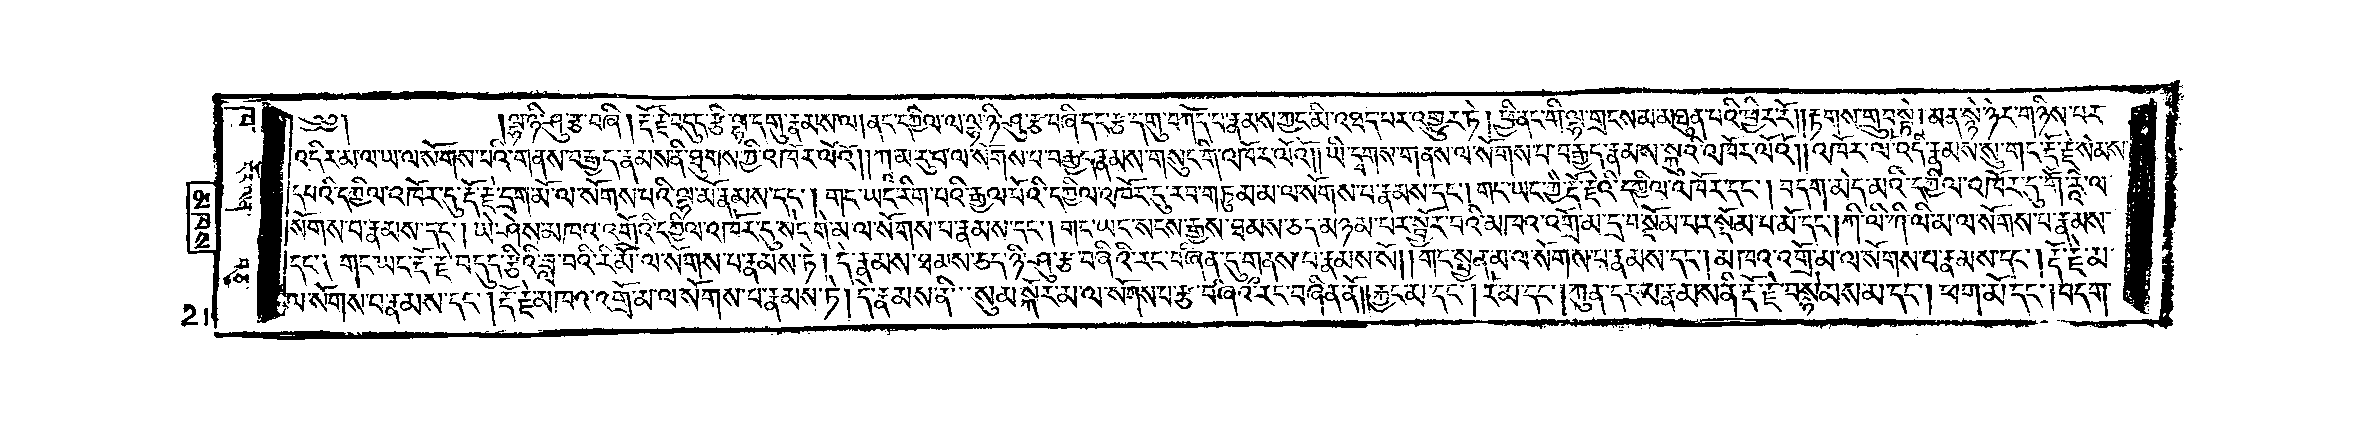༄༅། །ལྷ་ཉི་ཤུ་རྩ་བཞི། རྡོ་རྗེ་བདུད་རྩི་ལྷ་དགུ་རྣམས་ལ། ནང་དཀྱིལ་ལ་ལྷ་ཉི་ཤུ་རྩ་བཞི་དང་རྩ་དགུ་བཀོད་པ་རྣམས་ཀྱང་མི་འཐད་པར་འགྱུར་ཏེ། ཕྱི་ནང་གི་ལྷ་གྲངས་མ་མཐུན་པའི་ཕྱིར་རོ། །རྟགས་གྲུབ་སྟེ། མན་སྙེ་ཉེར་གཉིས་པར་
འདིར་མ་ལ་ཡ་ལ་སོགས་པའི་གནས་བརྒྱད་རྣམས་ནི་ཐུགས་ཀྱི་འཁོར་ལོའོ། །ཀཱ་མ་རུ་བ་ལ་སོགས་པ་བརྒྱད་རྣམས་གསུང་གི་འཁོར་ལོའོ། །ཡི་དྭགས་གནས་ལ་སོགས་པ་བརྒྱད་རྣམས་སྐུའི་འཁོར་ལོའོ། །འཁོར་ལོ་འདི་རྣམས་སུ་གང་རྡོ་རྗེ་སེམས་
དཔའི་དཀྱིལ་འཁོར་དུ་རྡོ་རྗེ་དྲག་མོ་ལ་སོགས་པའི་ལྷ་མོ་རྣམས་དང་། གང་ཡང་རིག་པའི་རྒྱལ་པོའི་དཀྱིལ་འཁོར་དུ་རབ་གཏུམ་མ་ལ་སོགས་པ་རྣམས་དང་། གང་ཡང་ཀྱཻ་རྡོ་རྗེའི་དཀྱིལ་འཁོར་དང་། བདག་མེད་མའི་དཀྱིལ་འཁོར་དུ་གཽ་རཱི་ལ་
སོགས་པ་རྣམས་དང་། ཡེ་ཤེས་མཁའ་འགྲོའི་དཀྱིལ་འཁོར་དུ་སེང་གེ་མ་ལ་སོགས་པ་རྣམས་དང་། གང་ཡང་སངས་རྒྱས་ཐམས་ཅད་མཉམ་པར་སྦྱོར་བའི་མཁའ་འགྲོ་མ་དྲ་བ་སྡོམ་པར་སྡོམ་པ་མོ་དང་། ཀི་ལི་ཀི་ལི་མ་ལ་སོགས་པ་རྣམས་
དང༑ གང་ཡང་རྡོ་རྗེ་བདུད་རྩིའི་ཟླ་བའི་རི་མོ་ལ་སོགས་པ་རྣམས་ཏེ། དེ་རྣམས་ཐམས་ཅད་ཉི་ཤུ་རྩ་བཞིའི་རང་བཞིན་དུ་གནས་པ་རྣམས་སོ། །གང་སྤྱན་མ་ལ་སོགས་པ་རྣམས་དང་། མཁའ་འགྲོ་མ་
ལ་སོགས་པ་རྣམས་དང་། རྡོ་རྗེ་མཁའ་འགྲོ་མ་ལ་སོགས་པ་རྣམས་ཏེ། དེ་རྣམས་ནི་སུམ་སྐོར་མ་ལ་སོགས་པ་རྩ་བཞིའི་རང་བཞིན་ནོ། །རྐྱང་མ་དང་། རོ་མ་དང་། ཀུན་དར་མ་རྣམས་ནི་རྡོ་རྗེ་བསྙེམས་མ་དང་། ཕག་མོ་དང་། བདག་